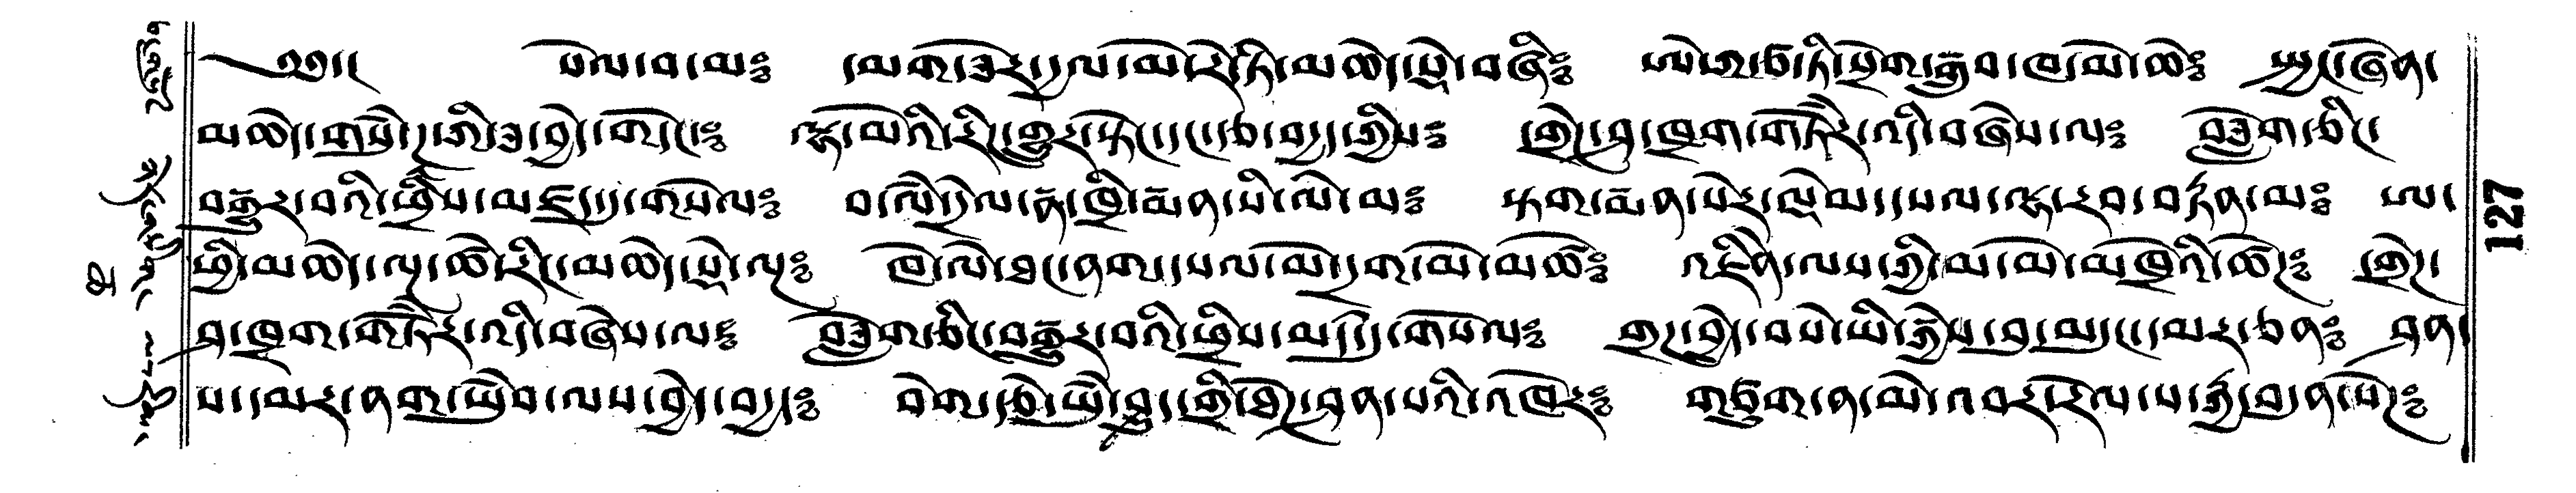སོལ་བ་མ༔ དམག་ཟོར་རྒྱལ་མོ་རེ་ཏི་མཆེད་སྡེ་བཞི༔ ཨེ་ཀ་ཙ་ཏི་སྲོག་སྒྲུབ་ཁ་མོ་ཆེ༔ སྤྱང་ཞོན་
མཆེད་གསུམ་ཌཱ་ཀི་ཟ་བྱེད་གདོང༔ ལྷ་མོའི་རིགས་གྱུར་སྟོང་དང་རྩ་བརྒྱད་ཀྱིས༔ དགྲ་བགེགས་ཤ་ཁྲག་གཏོར་མ་འདི་བཞེས་ལ༔ བཟློག་ཅིང་
བསྒྱུར་བའི་ཕྲིན་ལས་མཛད་དུ་གསོལ༔ བ་ལམ་དྲེལ་སྣ་ཁྲི་སྨན་སི་ལི་མ༔ སྟག་སྨན་སེར་ལྡེམ་དཔལ་ལྷ་རབ་བརྟན་མ༔ ཨ་
ཕྱི་མཆེད་ལྔ་ཚེ་རིང་མཆེད་སྡེ་ལྔ༔ ཁོ་ལེ་ཐང་ནག་དཔལ་མོ་དྲག་མོ་མཚོ༔ འཇིག་རྟེན་ལས་ཀྱི་མ་མོ་མཁའ་འགྲོའི་ཚོགས༔ དགྲ་བགེགས་
ཤ་ཁྲག་གཏོར་མ་འདི་བཞེས་ལ༔ བཟློག་ཅིང་བསྒྱུར་བའི་ཕྲིན་ལས་མཛད་དུ་གསོལ༔ གྲགས་བྱེད་བསེ་ཡི་སྐྱེས་བུ་མདུང་དམར་ཅན༔ ཤན་
པ་དམར་ནག་ཡབ་ཡུམ་ལས་བྱེད་བརྒྱད༔ བེག་རྩེ་ཡམ་ཤུད་གྲི་ཐོགས་ཤན་པའི་འཁོར༔ གཙུག་ན་མེ་འབར་རོལ་པ་རྐྱ་བདུན་སོགས༔